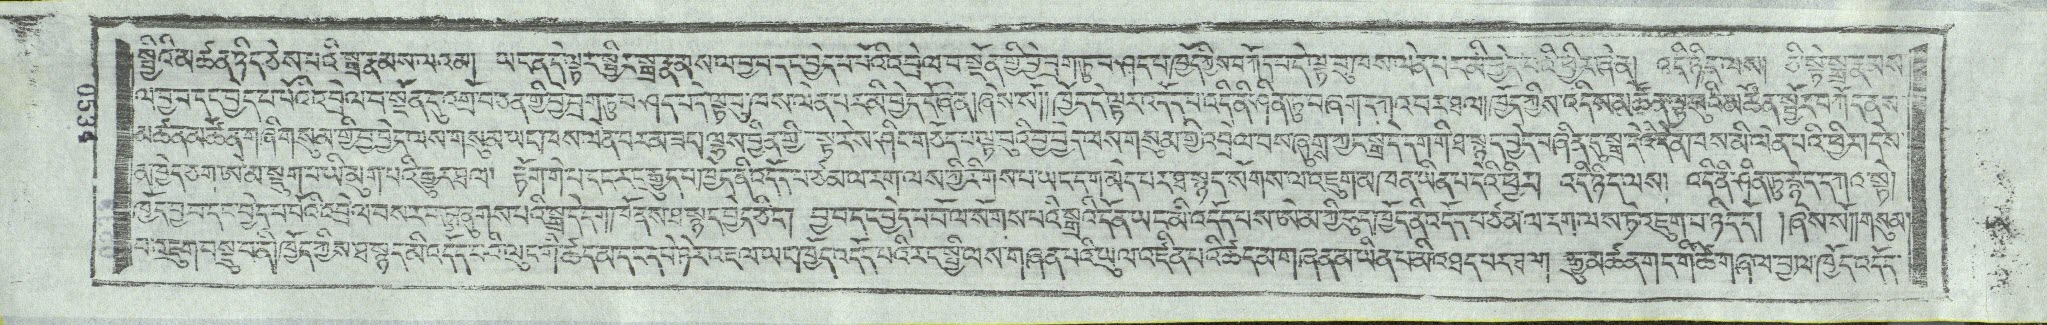སྤྱིའི་མཚན་ཉིད་ཅེས་པའི་སྒྲ་རྣམས་ལའམ། ཡང་ན་དེ་ལྟར་སྤྱིར་སྒྲ་རྣམས་ལ་བྱ་བ་དང་བྱེད་པ་པོའི་འབྲེལ་བ་སྔོན་གྱི་བྱེ་བྲག་ཏུ་བཤད་པ་ཁྱོད་ཀྱིས་བཀོད་པ་དེ་ལྟ་བུ་ཁས་ལེན་པར་མི་བྱེད་པའི་ཕྱིར་ཞེ་ན། འདི་ཉིད་ལས། ཅི་སྟེ་སྒྲ་རྣམས་
ལ་བྱ་བ་དང་བྱེད་པ་པོའི་འབྲེལ་བ་སྔོན་དུ་འགྲོ་བ་ཅན་གྱི་བྱེ་བྲག་ཏུ་བཤད་པ་དེ་ལྟ་བུ་ཁས་ལེན་པར་མི་བྱེད་དོ་ཞེ་ན། ཞེས་སོ། །ཁྱོད་དེ་ལྟར་འདོད་པ་འདི་ནི་ཤིན་ཏུ་བཞག་དཀའ་བར་ཐལ། ཁྱོད་ཀྱིས་འདིས་མཚོན་ལྟ་བུའི་མཚོན་སྦྱོར་བཀོད་ནས་
མཚན་མཚོན་གཞི་གསུམ་གྱི་བྱ་བྱེད་ལས་གསུམ་ཡང་ཁས་ལེན་པར་མ་ཟད། ལྷས་བྱིན་གྱི་སྟ་རེས་ཤིང་གཅོད་པ་ལྟ་བུའི་བྱ་བྱེད་ལས་གསུམ་གྱི་འབྲེལ་བས་ཞུགས་ཀྱང་སྒྲ་དེ་དག་གི་ཐ་སྙད་བྱེད་བཞིན་དུ་སྒྲ་དེའི་དོན་ཁས་མི་ལེན་པའི་ཕྱིར། དེས་
ན་ཁྱེད་ཅག་ཨེ་མ་སྡུག་པ་ཡི་མུག་པའི་རྒྱུར་ཐལ། རྟོག་གེ་པ་དང་རང་རྒྱུད་པ་ཁྱེད་ནི་འདོད་པ་ཙམ་ལ་རག་ལས་ཀྱི་རིགས་པ་ཡང་དག་མེད་པར་ཐ་སྙད་སོགས་ལ་འཇུག་མཁན་ཡིན་པ་དེའི་ཕྱིར། འདི་ཉིད་ལས། འདི་ནི་ཤིན་ཏུ་རྙེད་དཀའ་སྟེ།
ཁྱོད་བྱ་བ་དང་བྱེད་པ་པོའི་འབྲེལ་བས་རབ་ཏུ་ཞུགས་པའི་སྒྲ་དེ་དག་ཁོ་ནས་ཐ་སྙད་བྱེད་ཅིང་། བྱ་བ་དང་བྱེད་པ་བོ་ལ་སོགས་པའི་སྒྲའི་དོན་ཡང་མི་འདོད་པས་ཨེམ་ཀྱི་ཧུད་ཁྱོད་ནི་འདོད་པ་ཙམ་ལ་རག་ལས་ཏེ་འཇུག་པ་ཉིད་དོ། །ཞེས་སོ། །གསུམ་
པ་འཇུག་བསྡུ་བ་ནི་ཁྱོད་ཀྱིས་ཐ་སྙད་མི་འདོད་པའི་ལུང་གི་ཚད་མ་དང་དཔེ་ཉེར་འཇལ་ཡང་ཁྱོད་འདོད་པའི་རང་སྤྱི་ལས་གཞན་པའི་ཡུལ་འཛིན་པའི་ཚད་མ་གཞན་མ་ཡིན་པ་མི་འཐད་པར་ཐལ། རྒྱུ་མཚན་གང་གི་ཚེ་གཞལ་བྱ་ལ་ཁྱོད་འདོད་